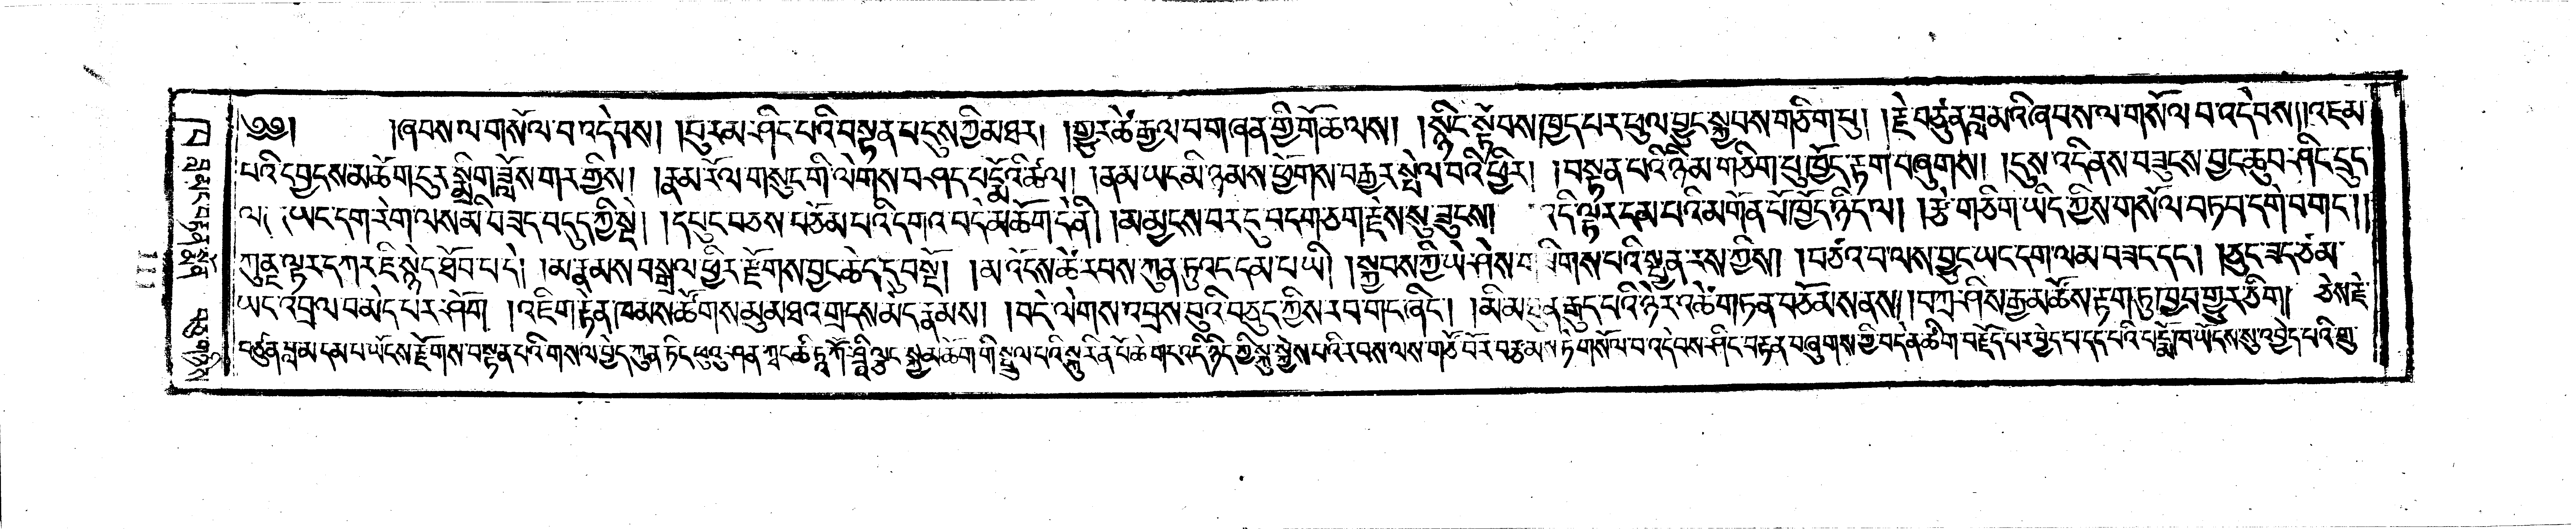༄༅། །ཞབས་ལ་གསོལ་བ་འདེབས། །བུ་རམ་ཤིང་པའི་བསྟན་པ་དུས་ཀྱི་མཐར། །གྱུར་ཚེ་རྒྱལ་བ་གཞན་གྱི་གོ་ཆ་ལས། །སྙིང་སྟོབས་ཁྱད་པར་ཕུལ་བྱུང་སྐྱབས་གཅིག་པུ། །རྗེ་བཙུན་བླ་མའི་ཞབས་ལ་གསོལ་བ་འདེབས། །འཇམ་
པའི་དབྱངས་མཆོག་དུར་སྨྲིག་ཟློས་གར་གྱིས། །རྣམ་རོལ་གསུང་གི་ལེགས་བཤད་པདམོའི་ཚལ། །ནམ་ཡང་མི་ཉམས་ཕྱོགས་བརྒྱར་སྤེལ་བའི་ཕྱིར། །བསྟན་པའི་ཉི་མ་གཅིག་པུ་ཁྱོད་རྟག་བཞུགས། །དུས་འདི་ནས་བཟུངས་བྱང་ཆུབ་ཤིང་དྲུང་
ལ༑ ༑ཡང་དག་རེག་ལས་མི་བཟད་བདུད་ཀྱི་སྡེ། །དཔུང་བཅས་བཅོམ་པའི་དགའ་བདེ་མཆོག་དེ་ནི། །མ་མྱངས་བར་དུ་བདག་ཅག་རྗེས་སུ་ཟུངས། །འདི་ལྟར་དམ་པའི་མགོན་པོ་ཁྱོད་ཉིད་ལ། །རྩེ་གཅིག་ཡིད་ཀྱིས་གསོལ་བཏབ་དགེ་བ་གང་། །
ཀུནྡ་ལྟར་དཀར་ཇི་སྙེད་ཐོབ་པ་དེ། །མ་རྣམས་བསྒྲལ་ཕྱིར་རྫོགས་བྱང་ཆེད་དུ་བསྔོ། །མ་འོངས་ཚེ་རབས་ཀུན་ཏུའང་དམ་པ་ཡི། །སྐྱབས་ཀྱི་ཡེ་ཤེས་གཟིགས་པའི་སྤྱན་རས་ཀྱིས། །བཙའ་བ་ལས་བྱུང་ཡང་དག་ལམ་བཟང་དང་། །ཅུང་ཟད་ཙམ་
ཡང་འབྲལ་བ་མེད་པར་ཤོག །འཇིག་རྟེན་ཁམས་ཚོགས་མུ་མཐའ་གྲངས་མེད་རྣམས། །བདེ་ལེགས་འབྲས་བུའི་བཅུད་ཀྱིས་རབ་གང་ཞིང་། །མི་མཐུན་རྒུད་པའི་ཉེར་འཚེ་གཏན་བཅོམས་ནས། །བཀྲ་ཤིས་རྒྱ་མཚོས་རྟག་ཏུ་ཁྱབ་གྱུར་ཅིག །ཅེས་རྗེ་
བཙུན་བླ་མ་དམ་པ་ཡོངས་རྫོགས་བསྟན་པའི་གསལ་བྱེད་ཀུན་ཏིང་ཕུའུ་ཤན་ཀྭང་ཚི་ཏཱ་ཀཽ་ཤྲའི་ལྕང་སྐྱེ་མཆོག་གི་སྤྲུལ་པའི་སྐུ་རིན་པོ་ཆེ་གང་འདི་ཉིད་ཀྱི་སྐུ་སྐྱེས་པའི་རབས་ལས་གཙོ་བོར་བརྩམས་ཏེ་གསོལ་བ་འདེབས་ཤིང་བརྟན་བཞུགས་ཀྱི་བདེན་ཚིག་བརྗོད་པར་བྱེད་པ་དང་པའི་པདམོ་ཁ་ཡོངས་སུ་འབྱེད་པའི་གྲུ་